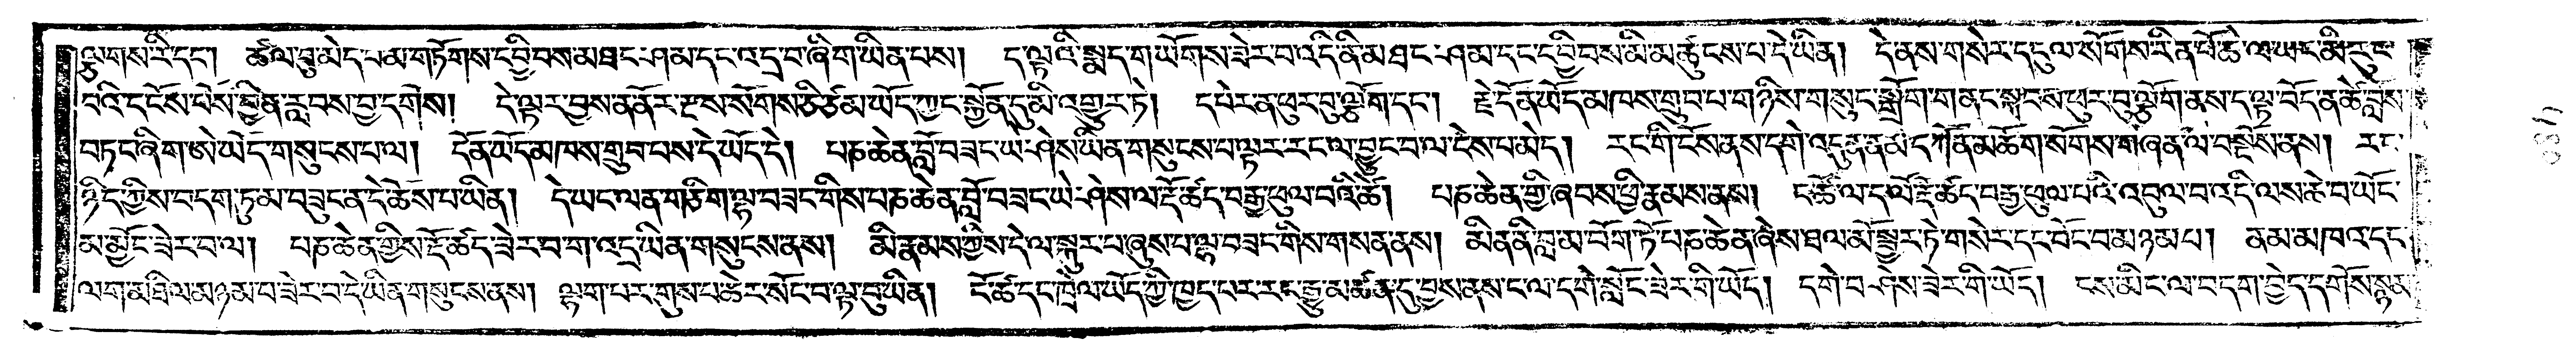ལྕགས་རི་དང་། ཚལ་བུ་མེད་པ་མ་གཏོགས་དབྱིབས་མཐང་ཤམ་དང་འདྲ་བ་ཞིག་ཡིན་པས། ད་ལྟའི་སྨད་གཡོགས་ཟེར་བ་འདི་ནི་མཐང་ཤམ་དང་དབྱིབས་མི་མཚུངས་པ་དེ་ཡིན། དེ་ནས་གསེར་དངུལ་སོགས་རིན་པོ་ཆེ་ལ་ཡང་མི་རུང་
བའི་དངོས་པོས་བྱིན་རླབས་བྱ་དགོས། དེ་ལྟར་བྱས་ན་?་རྫས་སོགས་ཅི་ཙམ་ཡོད་ཀྱང་སྐྱོན་དུ་མི་འགྱུར་ཏེ། དཔེར་ན་ཕུང་བུ་ལྕོག་དང་། རྗེ་དོན་ཡོད་མཁས་གྲུབ་པ་གཉིས་གསུང་སྒྲོག་གནང་སྐབས་ཕུར་བུ་ལྕོག་ནས་ད་ལྟ་བོད་ན་ཚེ་བློས་
བཏང་ཞིག་ཨེ་ཡོད་གསུངས་པ་ལ། དོན་ཡོད་མཁས་གྲུབ་པས་དེ་ཡོང་དེ། པཎ་ཆེན་བློ་བཟང་ཡེ་ཤེས་ཡིན་གསུངས་པ་ལྟར་རང་ལ་བྱུང་བ་ལ་ངེས་པ་མེད། རང་གི་ངོས་ནས་དགེ་འདུན་ནམ་དཀོན་མཆོག་སོགས་གཞན་ལ་བསྔོས་ནས། རང་
ཉིད་ཀྱིས་བདག་ཏུ་མ་བཟུང་ན་དེ་ཆོས་པ་ཡིན། དེ་ཡང་ལན་གཅིག་ལྷ་བཟང་གིས་པཎ་ཆེན་བློ་བཟང་ཡེ་ཤེས་ལ་རྡོ་ཆོད་བརྒྱ་ཕུལ་བའི་ཚེ། པཎ་ཆེན་གྱི་ཞབས་ཕྱི་རྣམས་ནས། ང་ཚོ་ལ་ད་ལོ་རྡོ་ཚད་བརྒྱ་ཕུལ་པའི་འབུལ་བ་འདི་ལས་ཆེ་བ་ཡོང་
མ་མྱོང་ཟེར་བ་ལ། པཎ་ཆེན་གྱིས་རྡོ་ཚད་ཟེར་བ་ག་འདྲ་ཡིན་གསུངས་ནས། མི་རྣམས་ཀྱིས་དེ་ལ་སྐུར་པ་ཞུས་པ་ལྷ་བཟང་གིས་གསན་ནས། མིན་ནི་བླ་མ་བོག་ཏོ་པཎ་ཆེན་ཞེས་ཐལ་མོ་སྒྱར་ཏེ་གསེར་དང་བོང་བ་མཉམ་པ། ནམ་མཁའ་དང་
ལག་མཐིལ་མཉམ་པ་ཟེར་བ་དེ་ཡིན་གསུངས་ནས། ལྷག་པར་གུས་པ་ཆེར་སོང་བ་ལྟ་བུ་ཡིན། ངོ་ཚ་དང་ཁྲེལ་ཡོད་ཀྱི་ཁྱད་པར་རང་རྒྱུ་མཚན་དུ་བྱས་ནས་ང་ལ་དགེ་སློང་ཟེར་གི་ཡོད། དགེ་བཤེས་ཟེར་གི་ཡོད། ངས་མིང་ལ་བདག་བྱེད་དགོས་སྙམ་